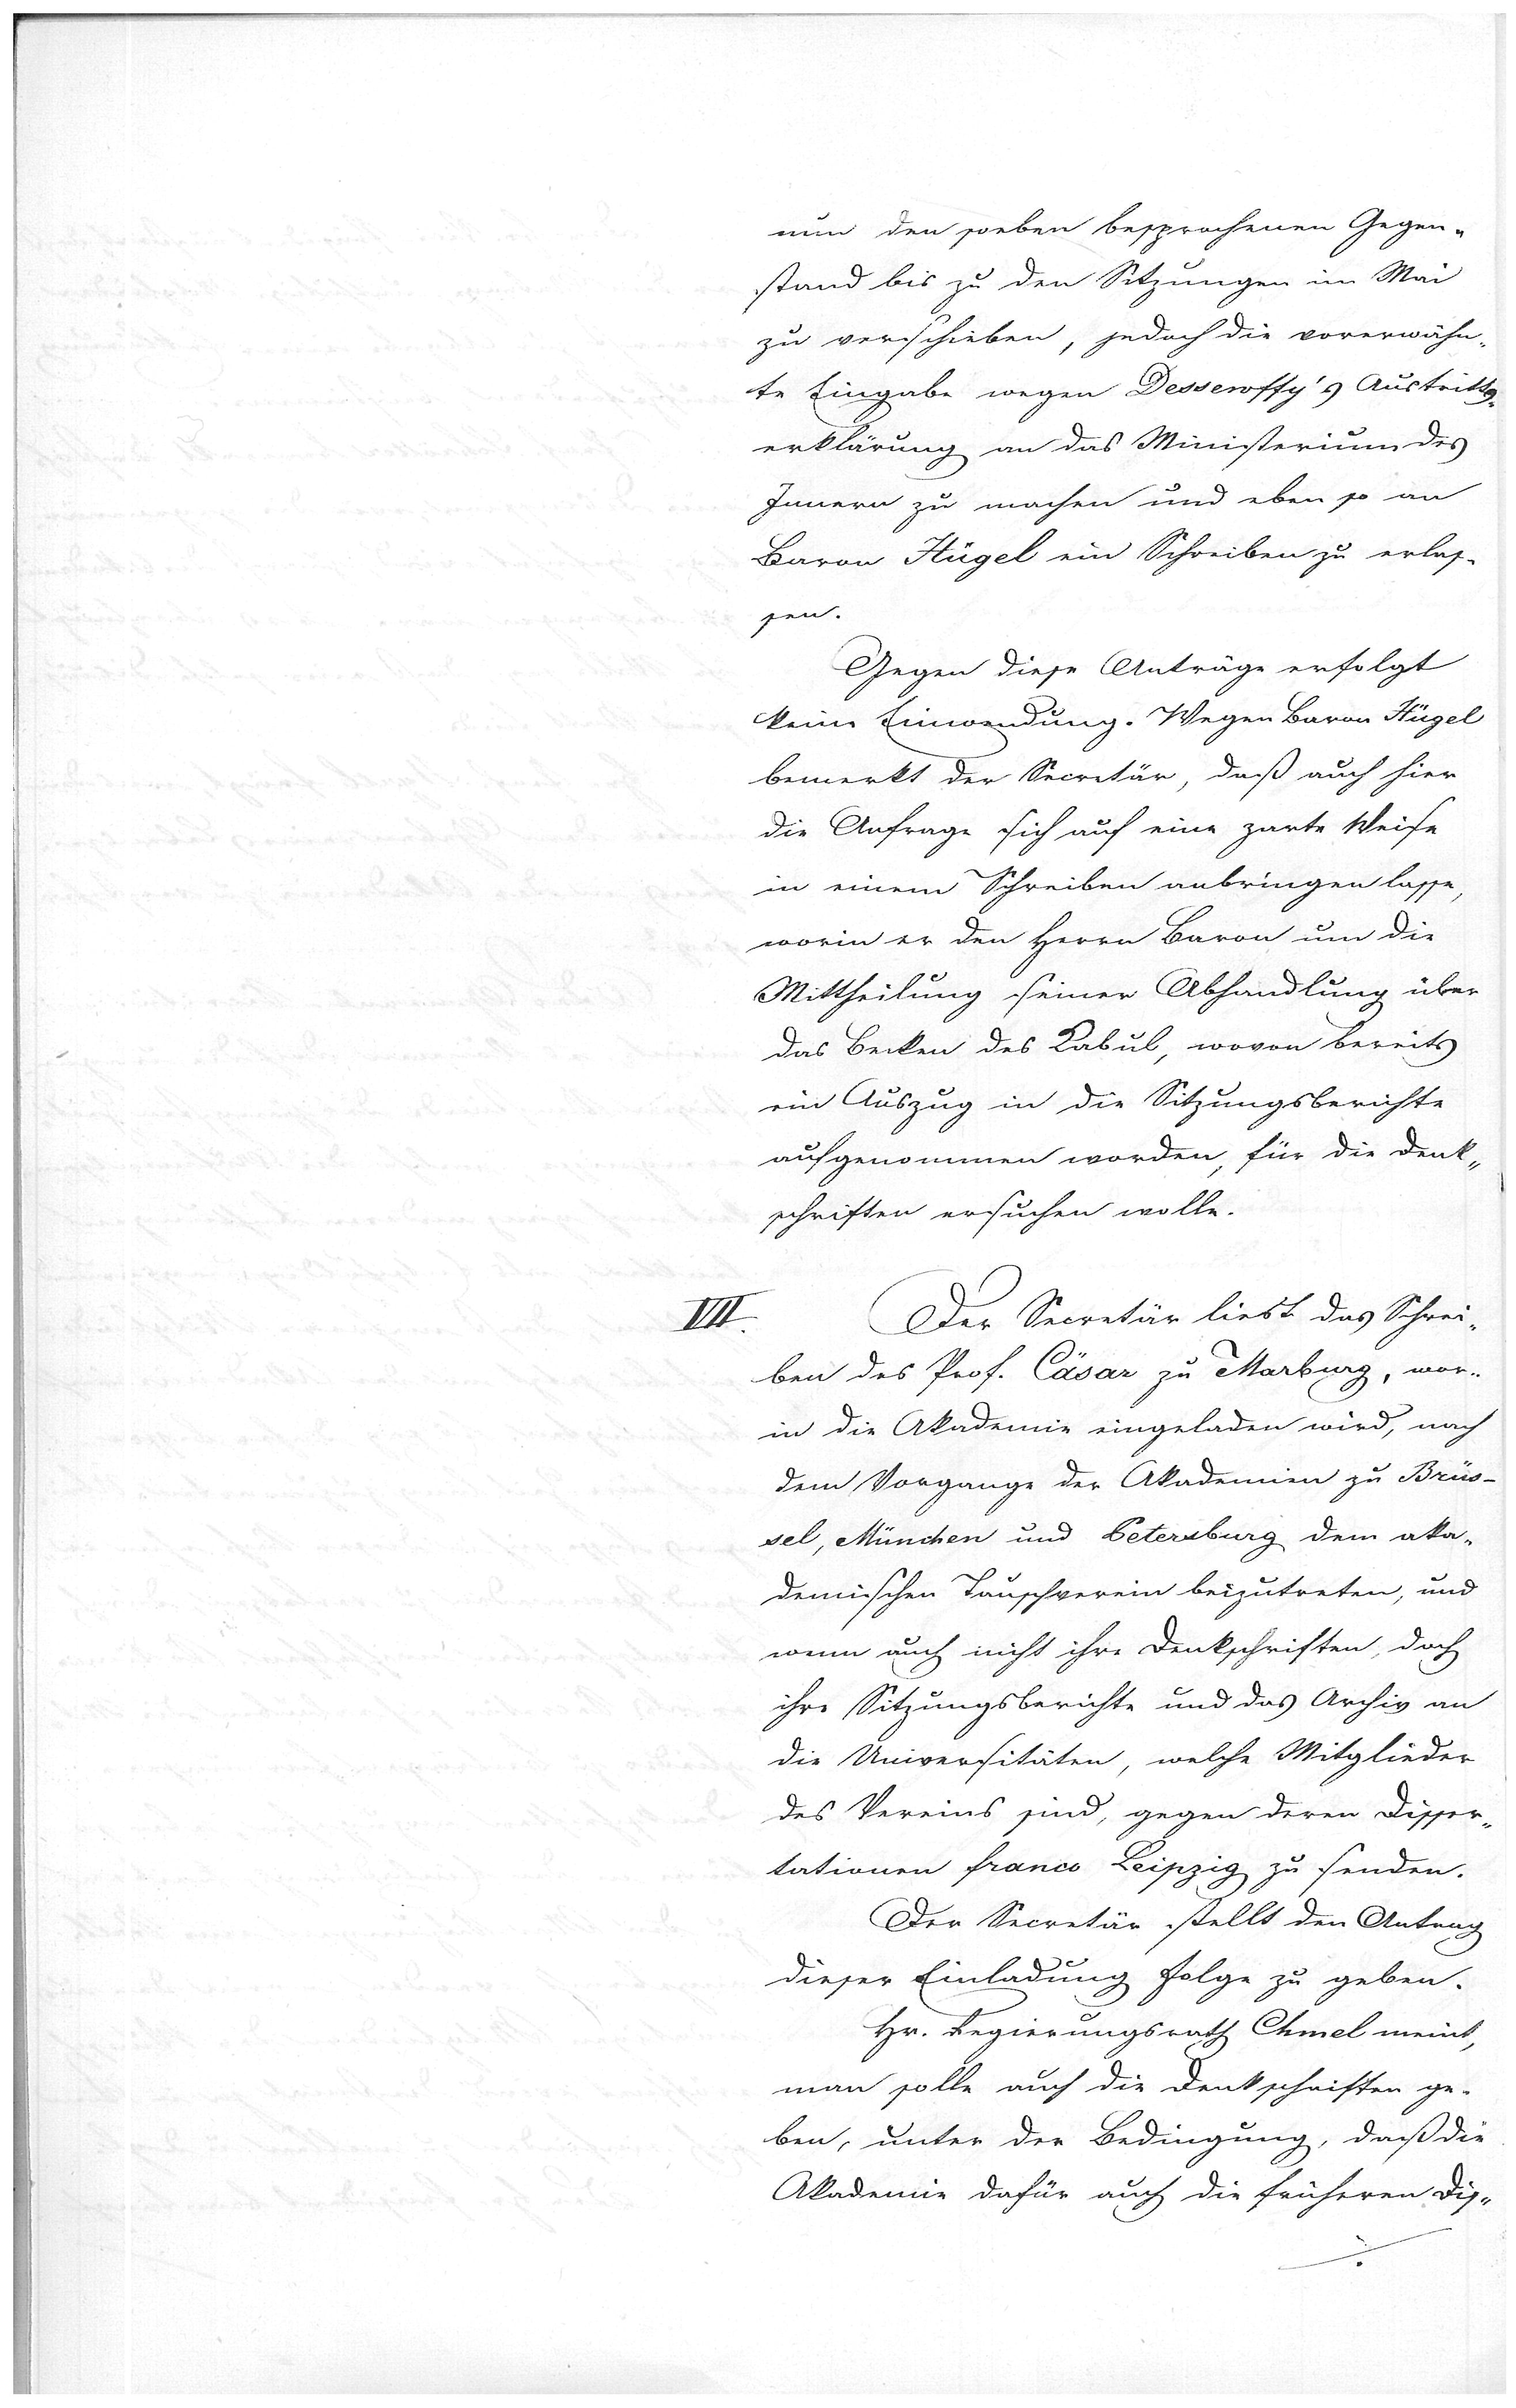nun den soeben besprochenen Gegen-
stand bis zu den Sitzungen im Mai
zu verschieben, jedoch die vorerwähn-
te Eingabe wegen Dessewffy's Austritts-
erklärung an das Ministerium des
Innern zu machen und eben so an
Baron Hügel ein Schreiben zu erlas-
sen.
Gegen diese Anträge erfolgte
keine Einwendung. Wegen Baron Hügel
bemerkt der Secretär, daß auch hier
die Anfrage sich auf eine zarte Weise
in einem Schreiben anbringen lasse,
worin er den Herrn Baron um die
Mittheilung seiner Abhandlung über
das Becken des Kabul, wovon bereits
ein Auszug in die Sitzungsberichte
aufgenommen worden, für die Denk-
schriften ersuchen wolle.
Der Secretär liest das Schrei-
ben des Prof. Cäsar zu Marbng, wor-
in die Akademie eingeladen wird, nach
dem Vorgange der Akademien zu Brüs-
sel, München und Petersburg dem aka-
demischen Tauschverein beizutreten, und
wenn auch nicht ihre Denkschriften, doch
ihre Sitzungsberichte und das Archiv an
die Universitäten, welche Mitglieder
des Vereins sind, gegen deren Disser-
tationen franco Leipzig zu senden.
VII.
Der Secretär stellt den Antrag
dieser Einladung Folge zu geben.
Hr. Regierungsrath Chmel meint,
man solle auch die Denkschriften ge-
ben, unter der Bedingung, daß die
Akademie dafür auch die früheren Dis-